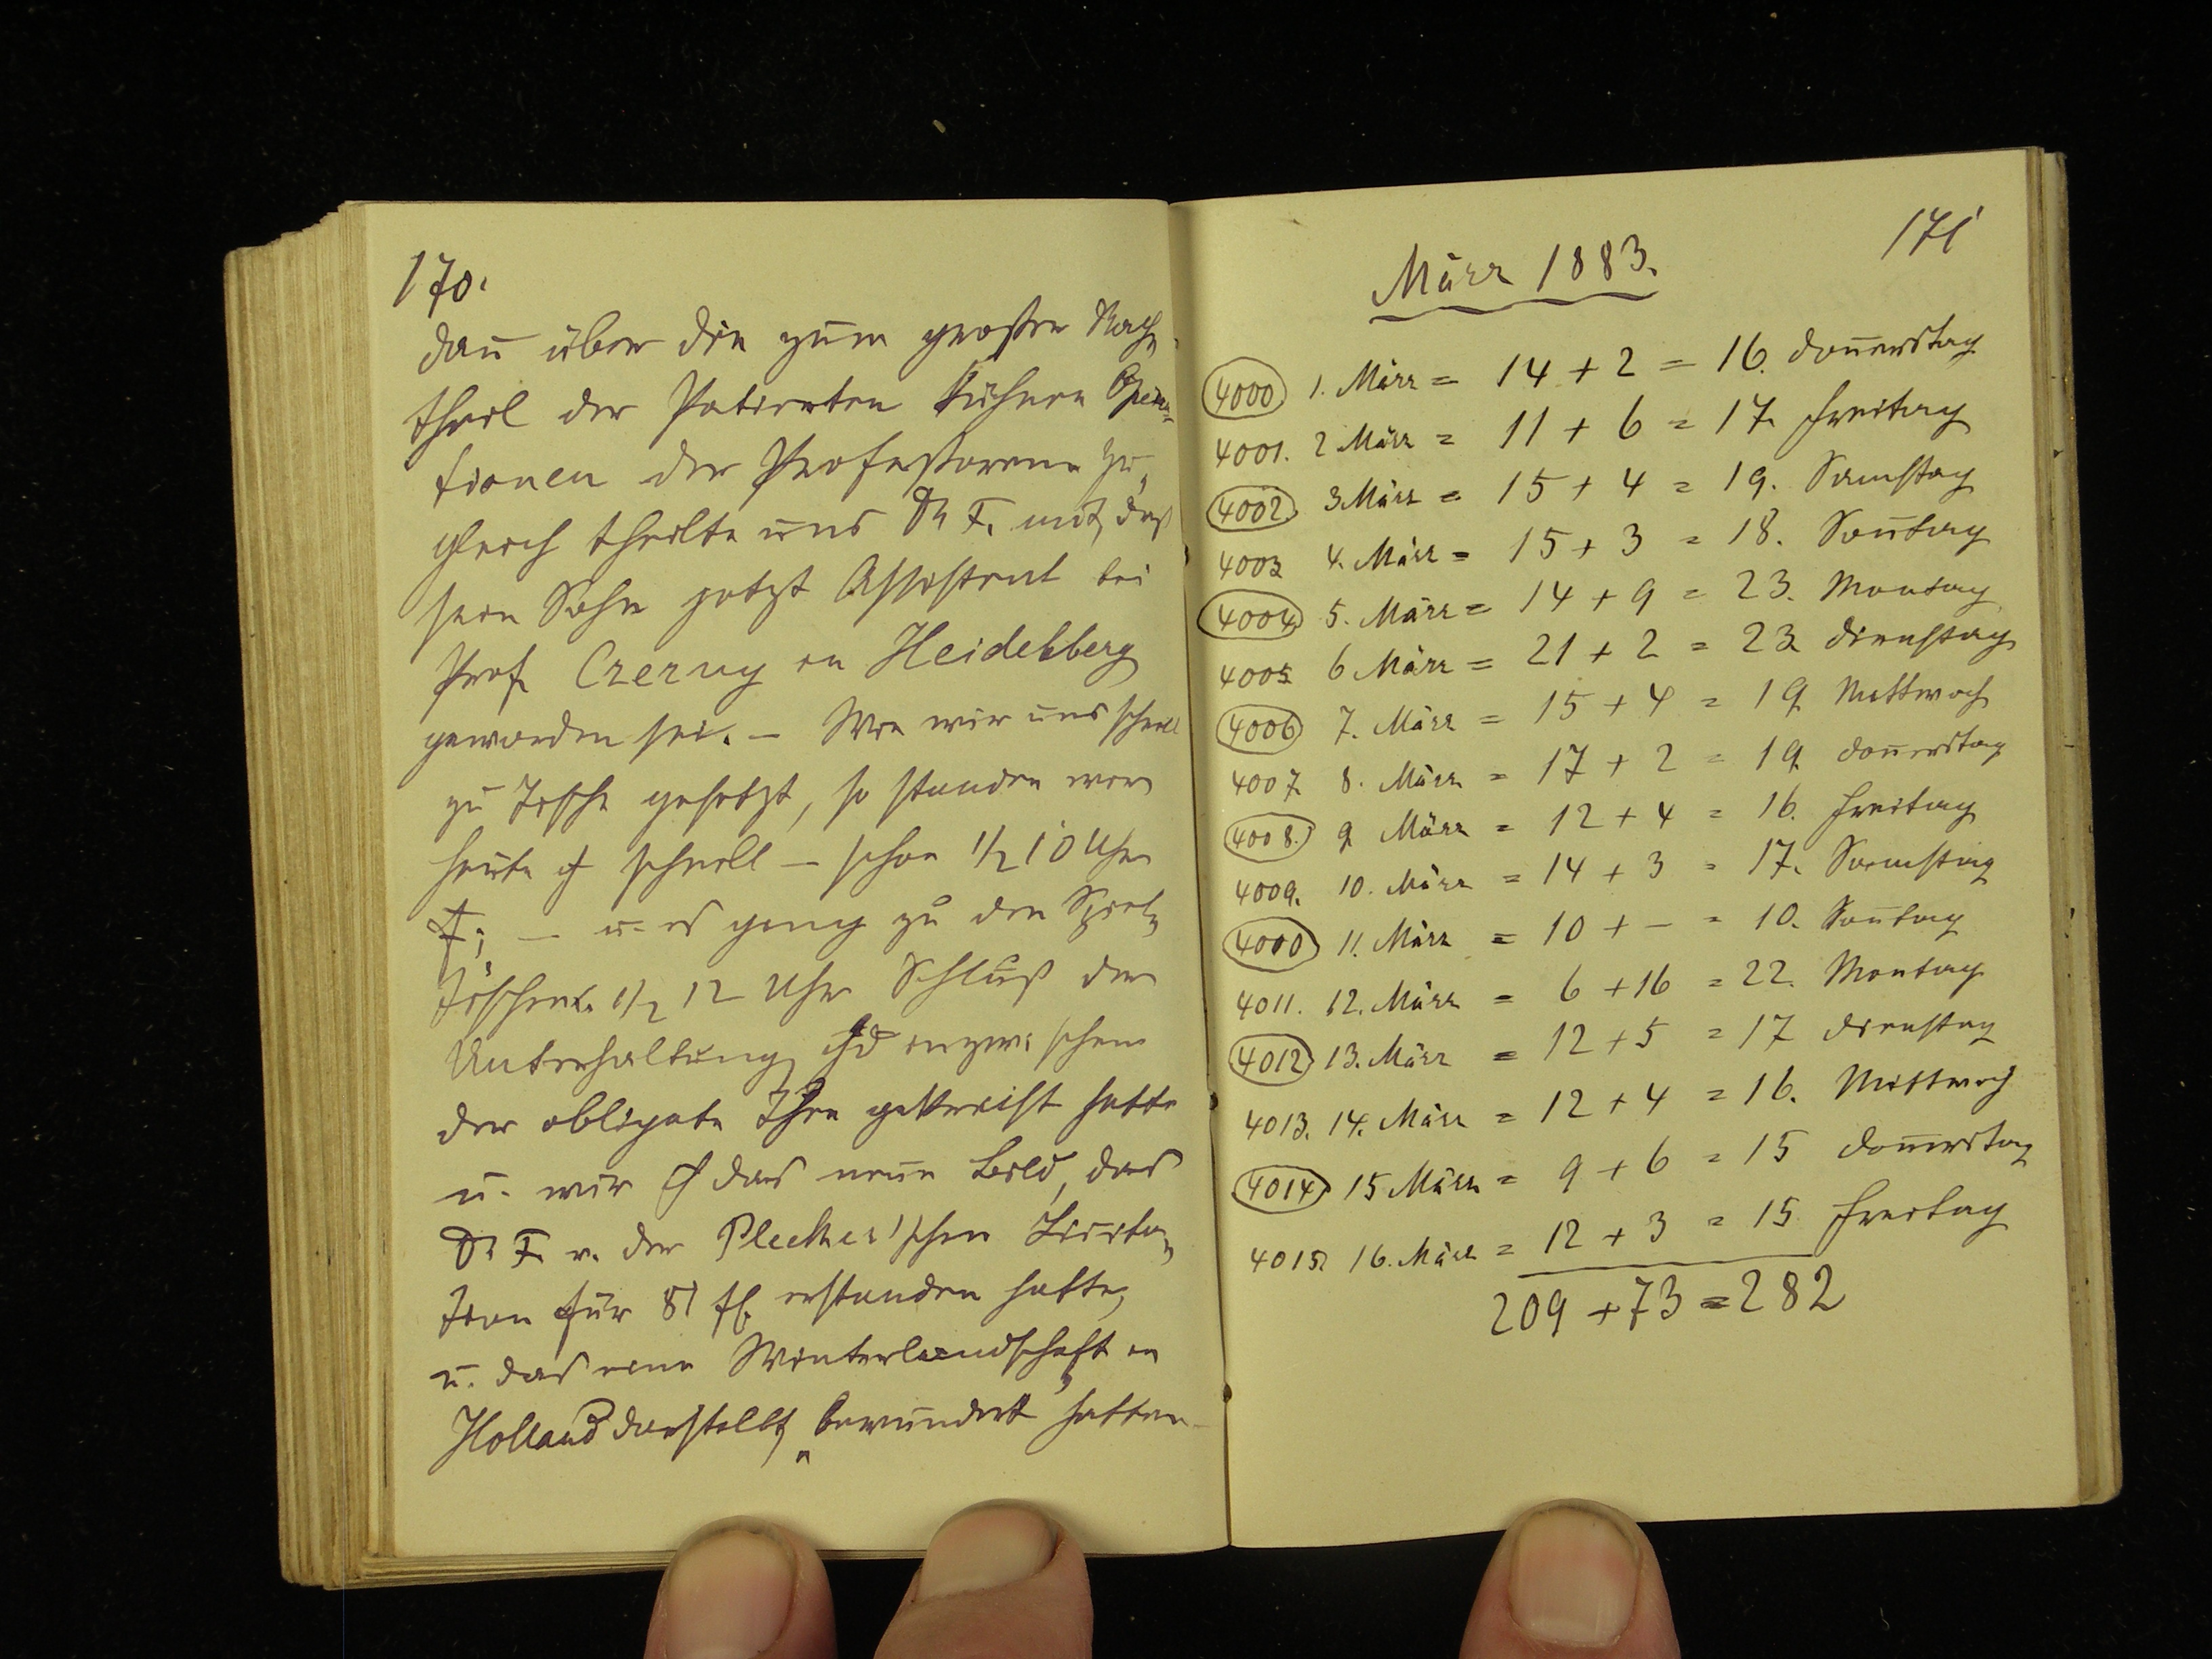170
dann über die zum großen Nach¬
theil der Patienten kühnen Opera¬
tionen der Profeßoren. Zu¬
gleich theilte uns Dr. F. mit, daß
sein Sohn jetzt Assistent bei
Prof. ??? in ???
geworden sei.- Wie wir uns schnell
zu Tische gesetzt, so standen wir
heute ch schnell.- schon ½ 10 Uhr
f,- und es ging zu den Spiel¬
tischen. ½ 12 Uhr Schluß der
Unterhaltung, chd inzwischen
der obligate Thee gekreist hatte
u. wir ch das neue Bild, das
Dr. F. v. der ??? ???
??? für 81 fl. erstanden hatte,
u. das eine Winterlandschaft in
??? darstellt, bewundert hatten.
171
März 1883
4000 1. März = 14 + 2 = 16. Donnerstag
4001 2. März = 11+ 6 = 17. Freitag
4002 3. März = 15 + 4 = 19. Samstag
4003 4. März = 15 + 3 = 18. Sonntag
4004 5. März = 14 + 9 = 23. Montag
4005 6. März = 21 + 2 = 23. Dienstag
4006 7. März = 15 + 4 = 19. Mittwoch
4007 8. März = 17 + 2 = 19. Donnerstag
4008 9. März = 12 + 4 = 16. Freitag
4009 10. März = 14 + 3 = 17. Samstag
4010 11. März = 10 + 0 = 10. Sonntag
4011 12. März = 6 + 16 = 22. Montag
4012 13. März = 12 + 5 = 17 Dienstag
4013 14. März = 12 + 4 = 16. Mittwoch
4014 15. März = 9 + 6 = 15. Donnerstag
4015 16. März = 12 + 3 = 15. Freitag
209 + 73 = 282